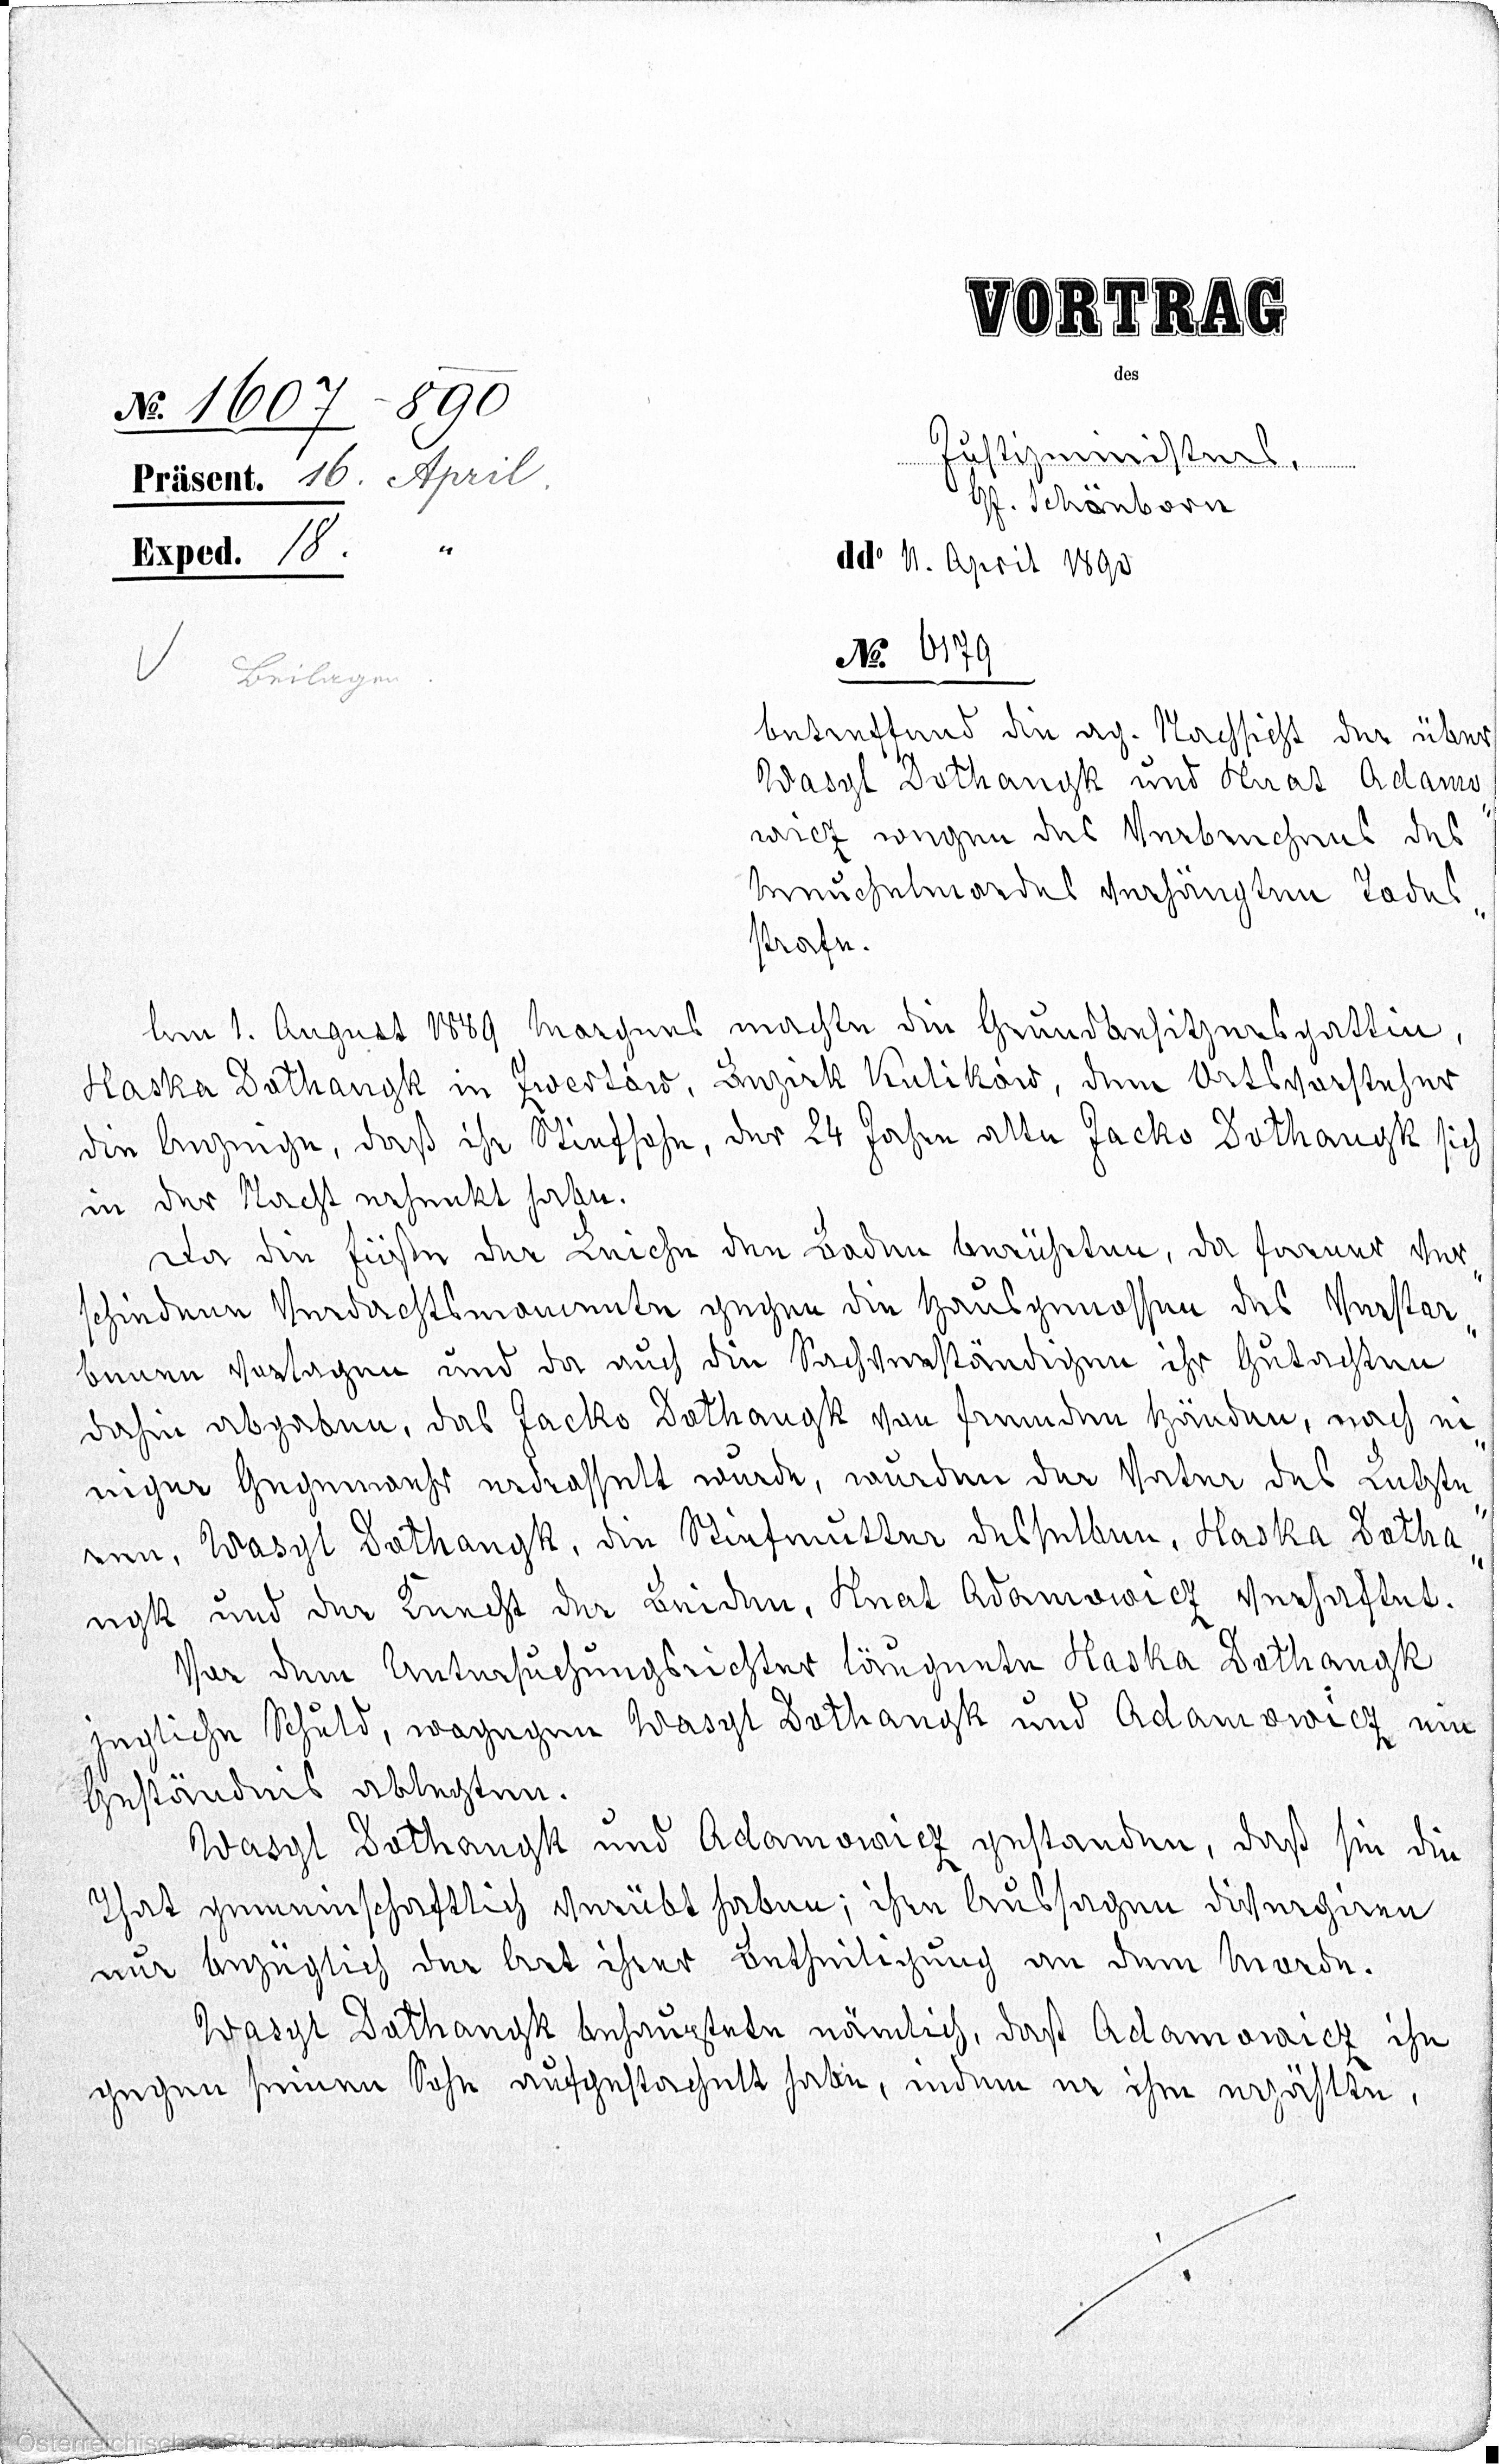Nr. 1607-890
Präsent. 16. April.
Exped. 18. April.
Beilage.
VORTRAG
des
Justizministers,
Gf. Schönborn
dd° 11. April 1890
Nr. 6179
betreffend die ag. Nachsicht den über
Wasyl Dothanyk und Hnat Adamo¬
wicz wegen des Verrechens des
Meuchelmordes verhängten Todes¬
strafe.
Am 1. August 1889 Morgens machte die Grundbesitzersgattin,
Haska Dothanyk in Zwertów, Bezirk Kulików, dem Ortsvorsteher
die beginge, daß ihr Stiefsohn, der 24 Jahre alte Jacko Dothanyk sich
in der Nacht ersenkt habe.
Da die Füße der Leiche den Boden berührten, da ferner ver¬
schiedene Verdachtsmomente gegen die Hausgenossen des Verstor¬
benen vertagen und da auch die Sachverständigen ihr Gutachten
dahin abgaben, das Jacko Dothanyk von fremden Händen, nach ei¬
niger Gegenwehr erdrosselt wurde, wurden der Vater des Letzte¬
ren, Wasyl Dothanyk, die Stiefmutter desselben, Haska Dotha¬
nyk und der Knecht der Beiden, Hnat Wamowicz verhaftet.
Vor dem Untersuchungsrichter läugente Haska Dothanyk
jegliche Schuld, wogegen Wasyl Dothanyk und Adamowicz ein
Geständnis ablegten.
Wasyl Dothanyk und Adamowicz gestanden, daß sie die
That gemeinschaftlich verübt haben; ihre Aussage divergiren
nur Anzüglich der Art ihrer Betheiligung an dem Morde.
Wasyl Dothanyk behauptete nämlich, daß Adamowicz ihn
gegen seinen Sohn aufgestachelt habe, indem er ihm erzählte,